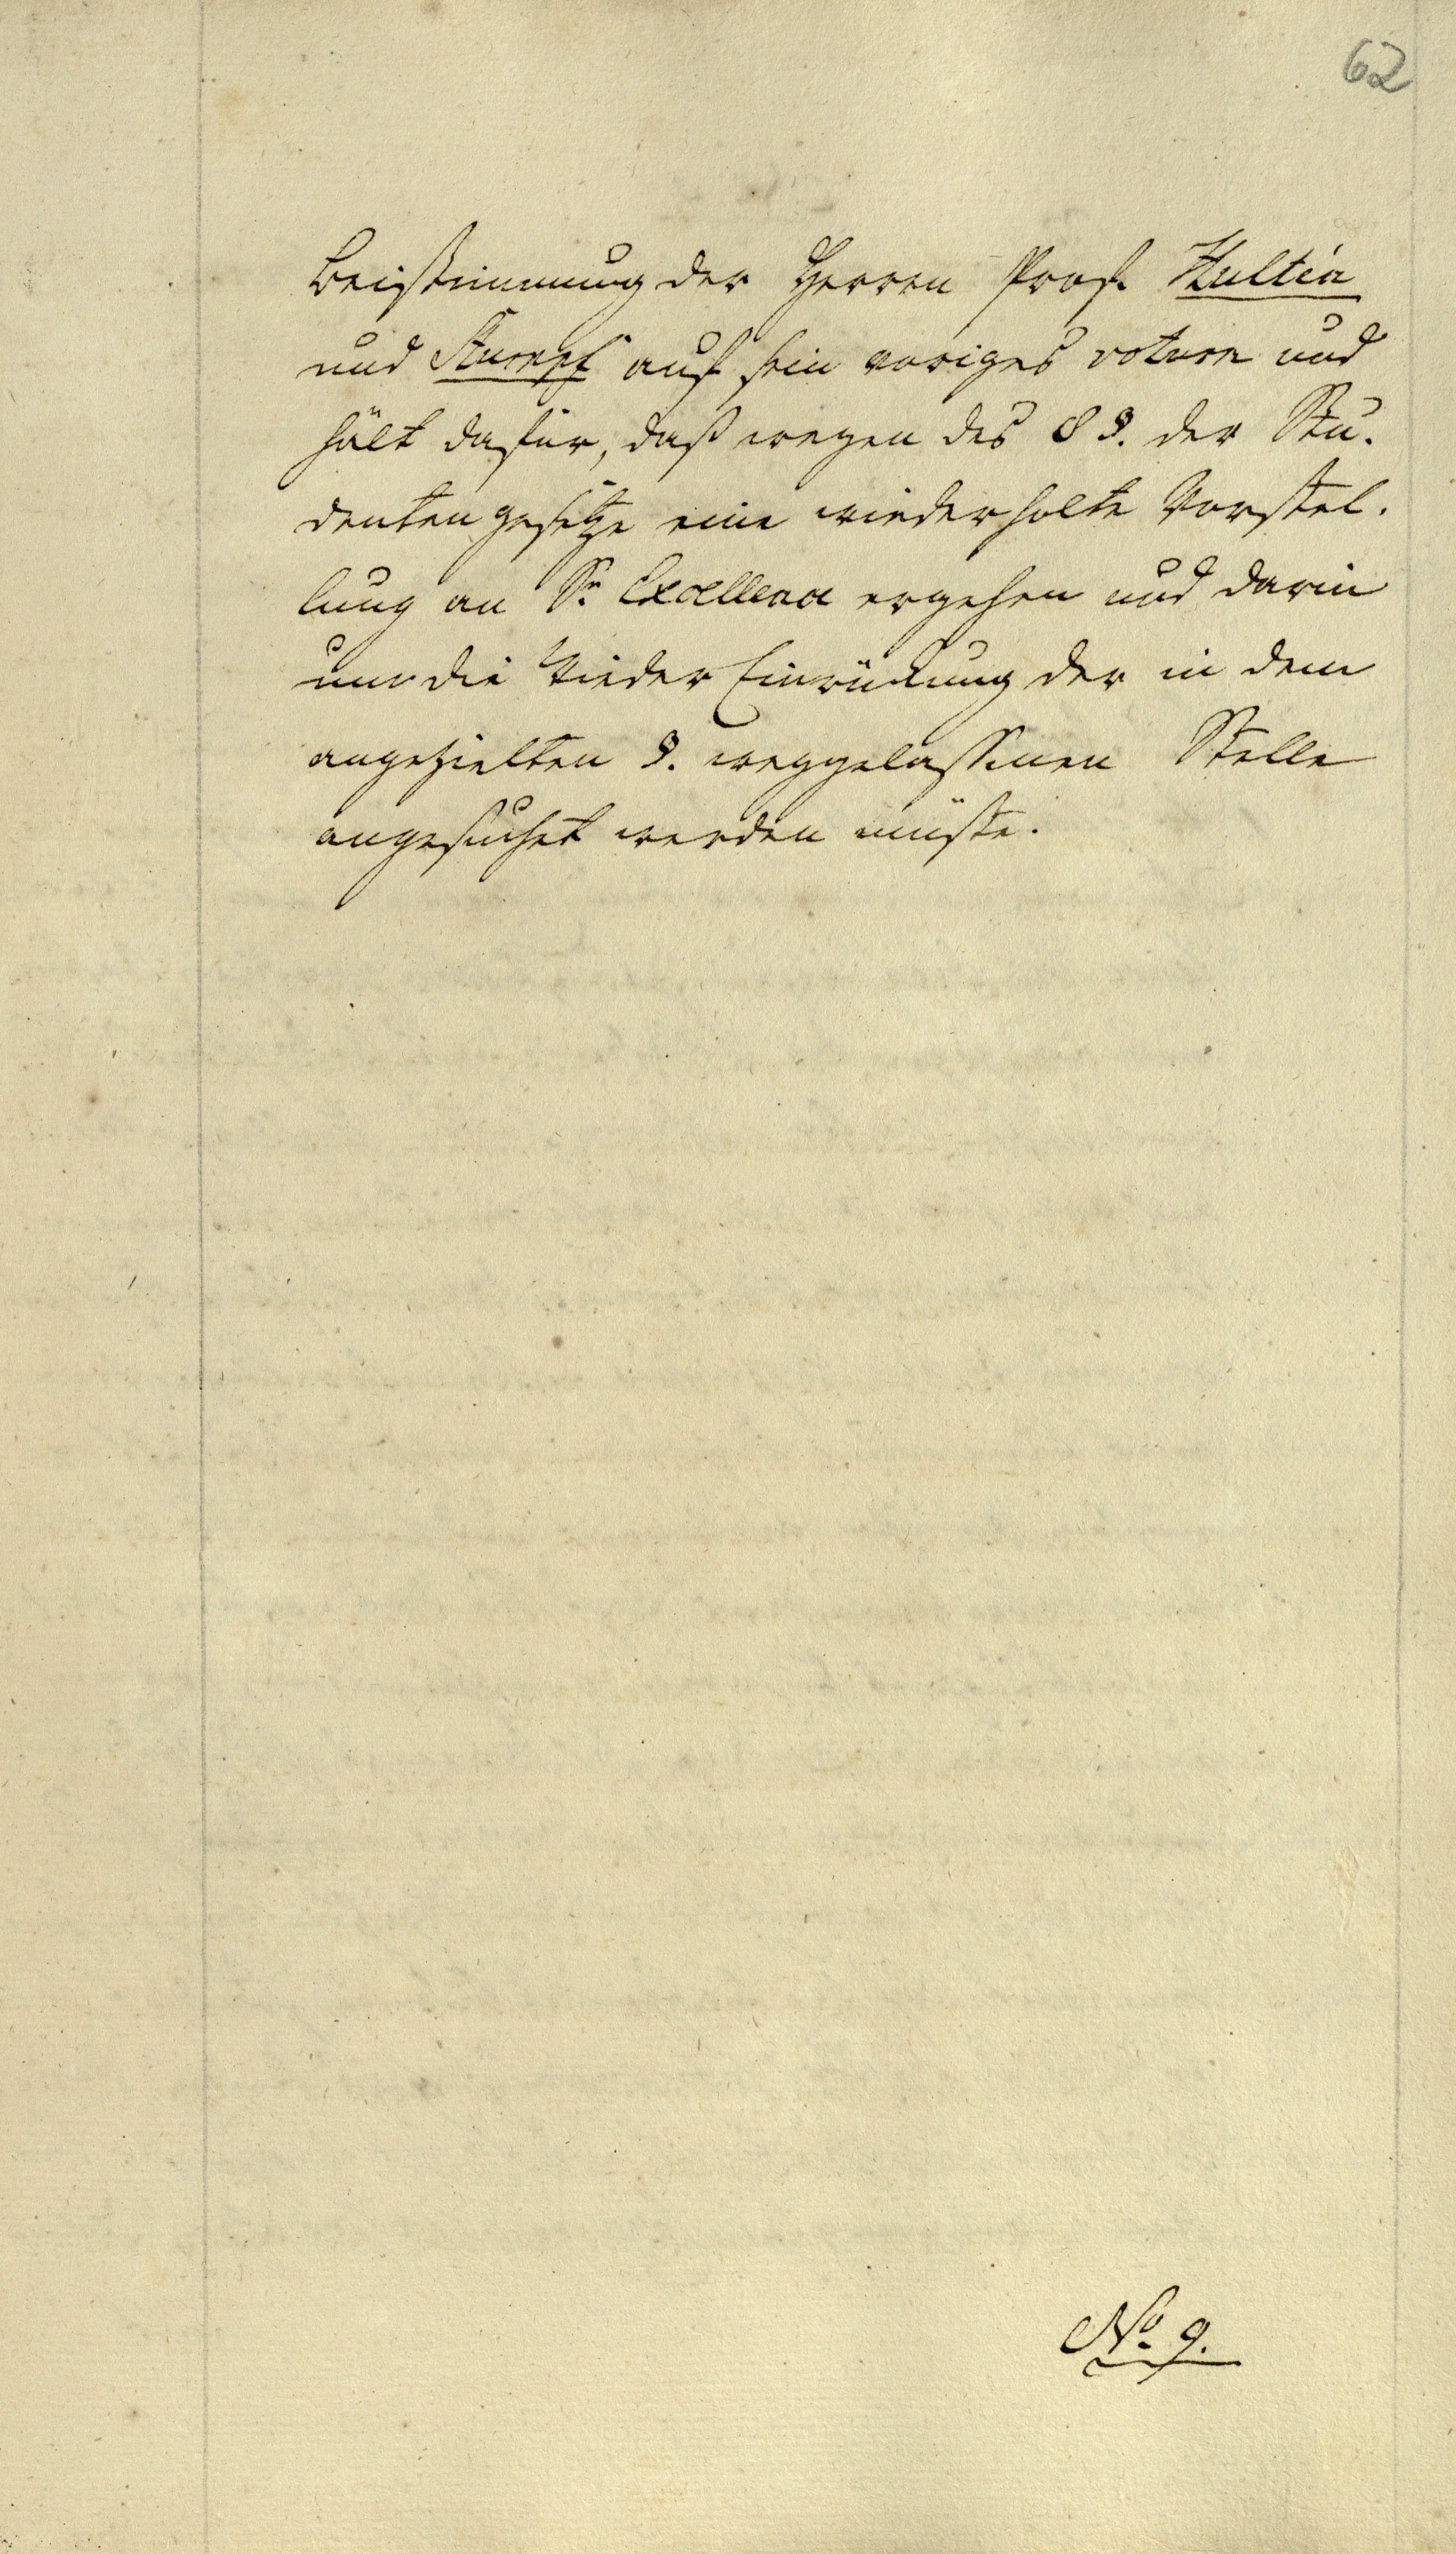Beistimmuung der Herren Prof. Hultén
und Stumpf auf sein voriges votum und
hält dafür, daß wegen des 8 §. der Stu¬
denten Gesetze eine wiederholte Vorstel¬
lung an Sr Excellence ergehen und darin
um die Wieder Einrückung der in dem
angezielten §. weggelassenen Stelle
angesuchet werden müßte.
No 9.